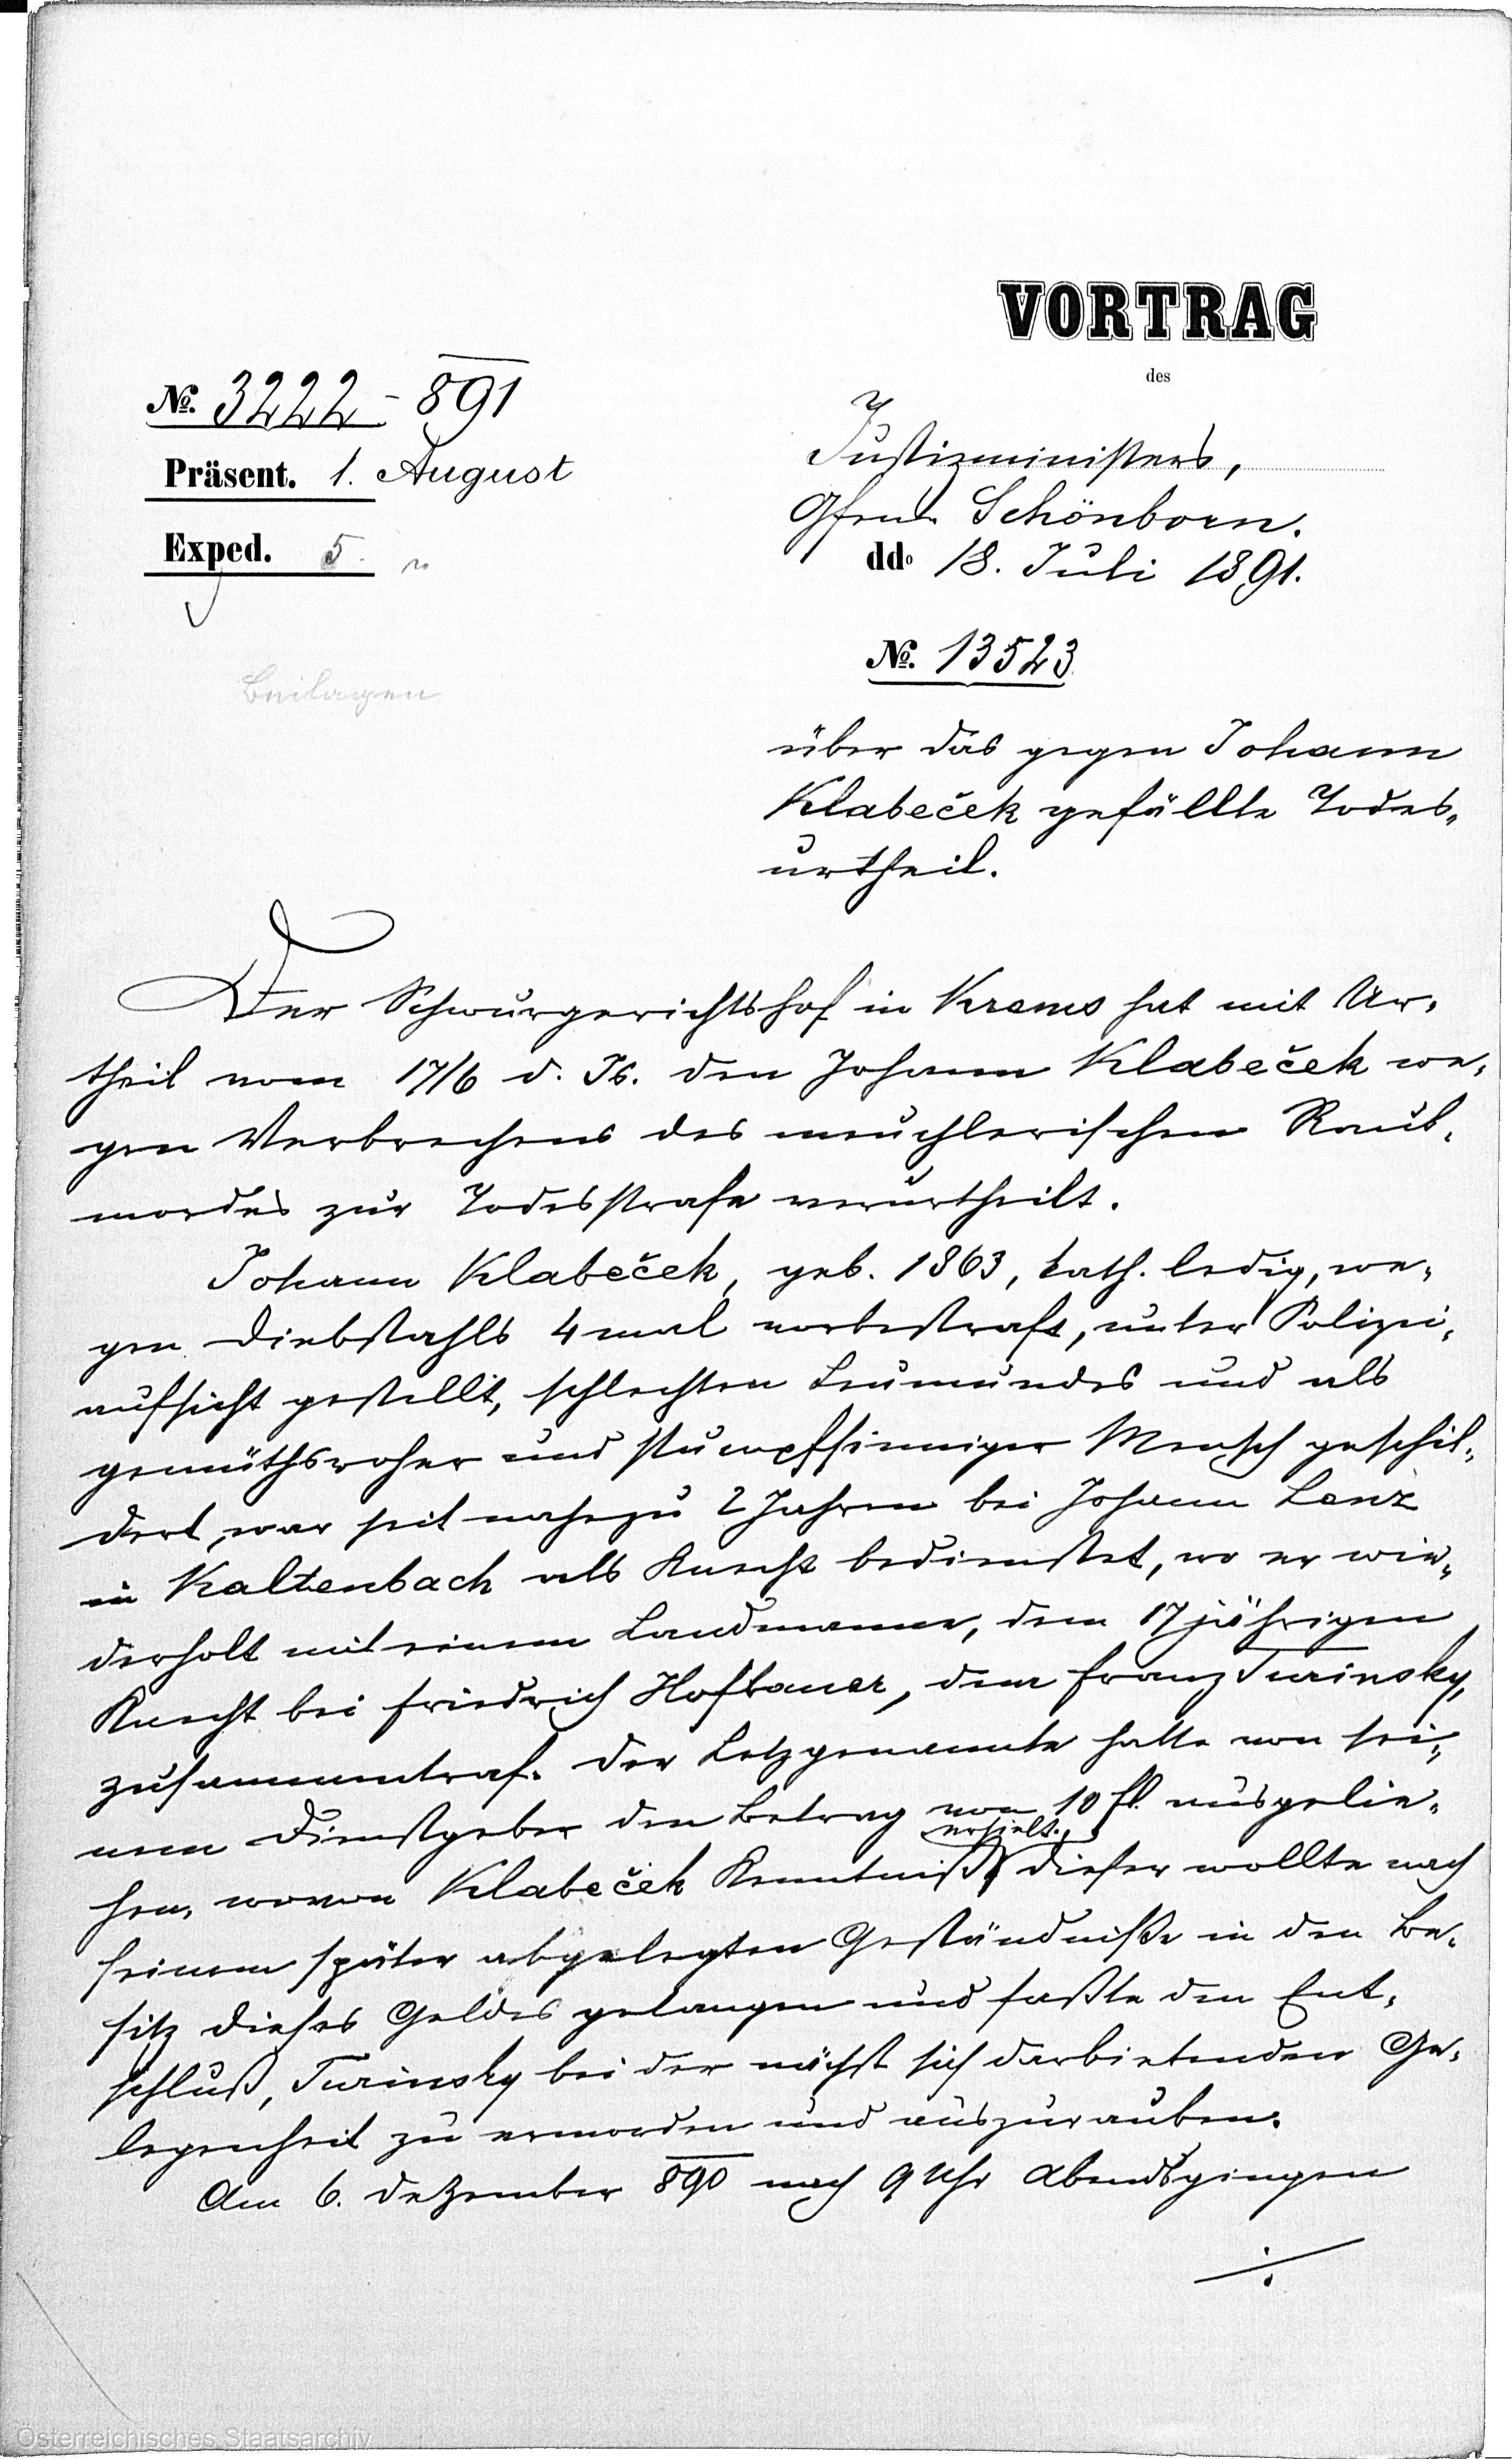No. 3222 - 1891
Präsent. 1. August
Exped. 5. „
Beilagen
VORTRAG
des
Justizministers
Gfen Schönborn
ddo 18. Juli 1891
No. 13523
über das gegen Johann
Klabeček gefällte Todes¬
urtheil.
Der Schwurgerichtshof in Krems hat mit Ur¬
theil vom 17/6 d. Js. den Johann Klabeček we¬
gen Verbrechens des meuchlerischen Raub¬
mordes zur Todesstrafe verurtheilt.
Johann Klabeček, geb. 1863, kath. Ledig, we¬
gen Diebstahls 4mal vorbestraft, unter Polizei¬
aufsicht gestellt, schlechten Leumundes und als
gemüthsroher und stumpfsinniger Mensch geschil¬
dert, war seit nahezu 2 Jahren bei Johann Lenz
in Kaltenbach als Knecht bedienstet, wo er wie¬
derholt mit einem Landmanne, dem 17jährigen
Knecht bei Friedrich Hofbauer, dem Franz Turinsky,
zusammentraf. Der Letztgenannte hatte von sei¬
nen Dienstgeber den Betrag von 10 fl. ausgelie¬
erhielt.
hen, wovon Klabeček Kenntniß Dieser wollte nach
seinem später abgelegten Geständniße in den Be¬
sitz dieses Geldes gelangen und faßte den Ent¬
schluß, Turinsky bei der nächst sich darbietenden Ge¬
legenheit zu ermorden und auszurauben.
Am 6. Dezember 1890 nach 9 Uhr Abends gingen